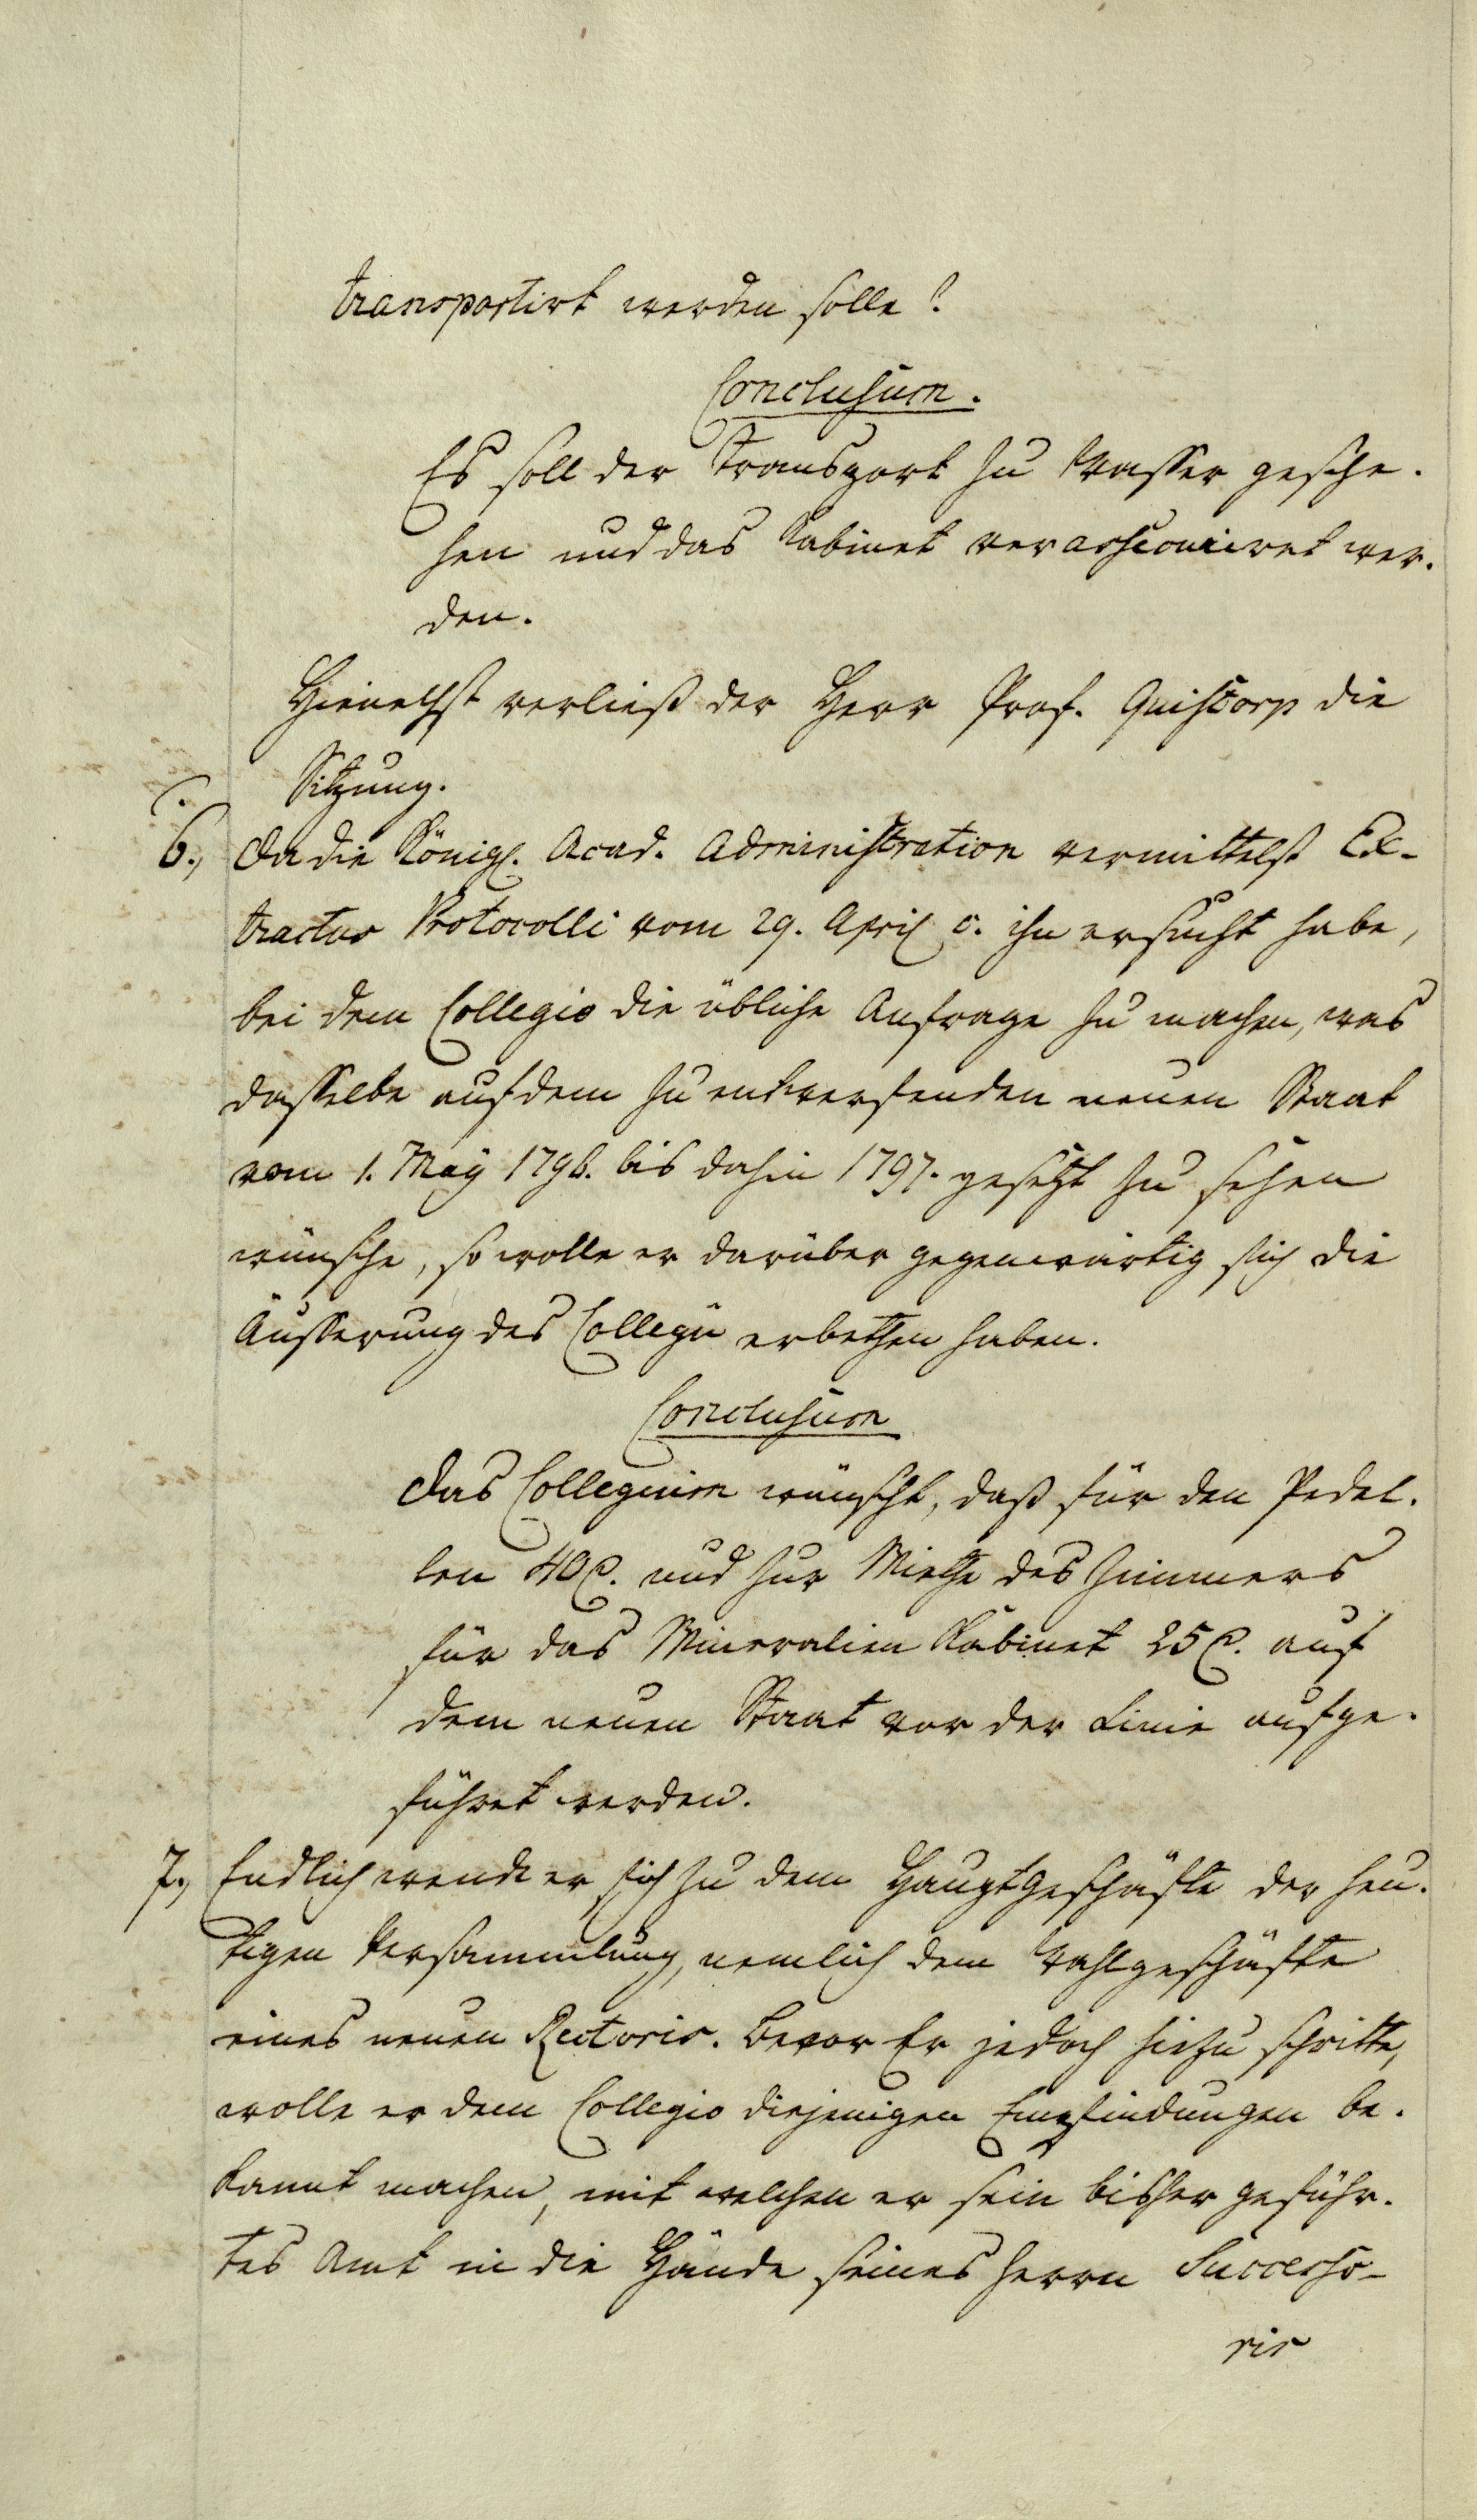transportirt werden solle?
Conclusum.
Es soll der Transort zu Wasser gesche¬
hen und das Kabinet verassecuriret wer¬
den.
Hienechst verließ der Herr Prof. Quistorp die
Sitzung.
6., Die Königl. Acad. Administration vermittelst Ex¬
tractus Protocolli vom 29. April. c. ihn ersucht habe,
bei dem Collegio die übliche Anfrage zu machen, was
dasselbe auf dem zu entwerfenden neuen Staat
vom 1. Maÿ 1796. bis dahin 1797. gesetzt zu sehen
wünsche, so wolle er darüber gegenwärtig sich die
Äusserung des Collegii erbethen haben.
Conclusum
Das Collegium wünscht, daß für den Pedel¬
len 40 l. und zur Miethe des Zimmers
für das Mineralien Kabinet 25 l. auf
dem neuen Staat vor der Linie aufge¬
führet werden.
7. Endlich wende er sich zu dem Hauptgeschäfte der heu¬
digen Versammlung, nemlich dem Wahlgeschäfte
eines neuen Rectoris. bevor Er jedoch hiezu schritte,
wolle er dem Collegio diejenigen Empfindungen be¬
kannt machen, mit welchen er sein bisher geführ¬
tes Amt in die Hände seines Herrn Successo¬
ris